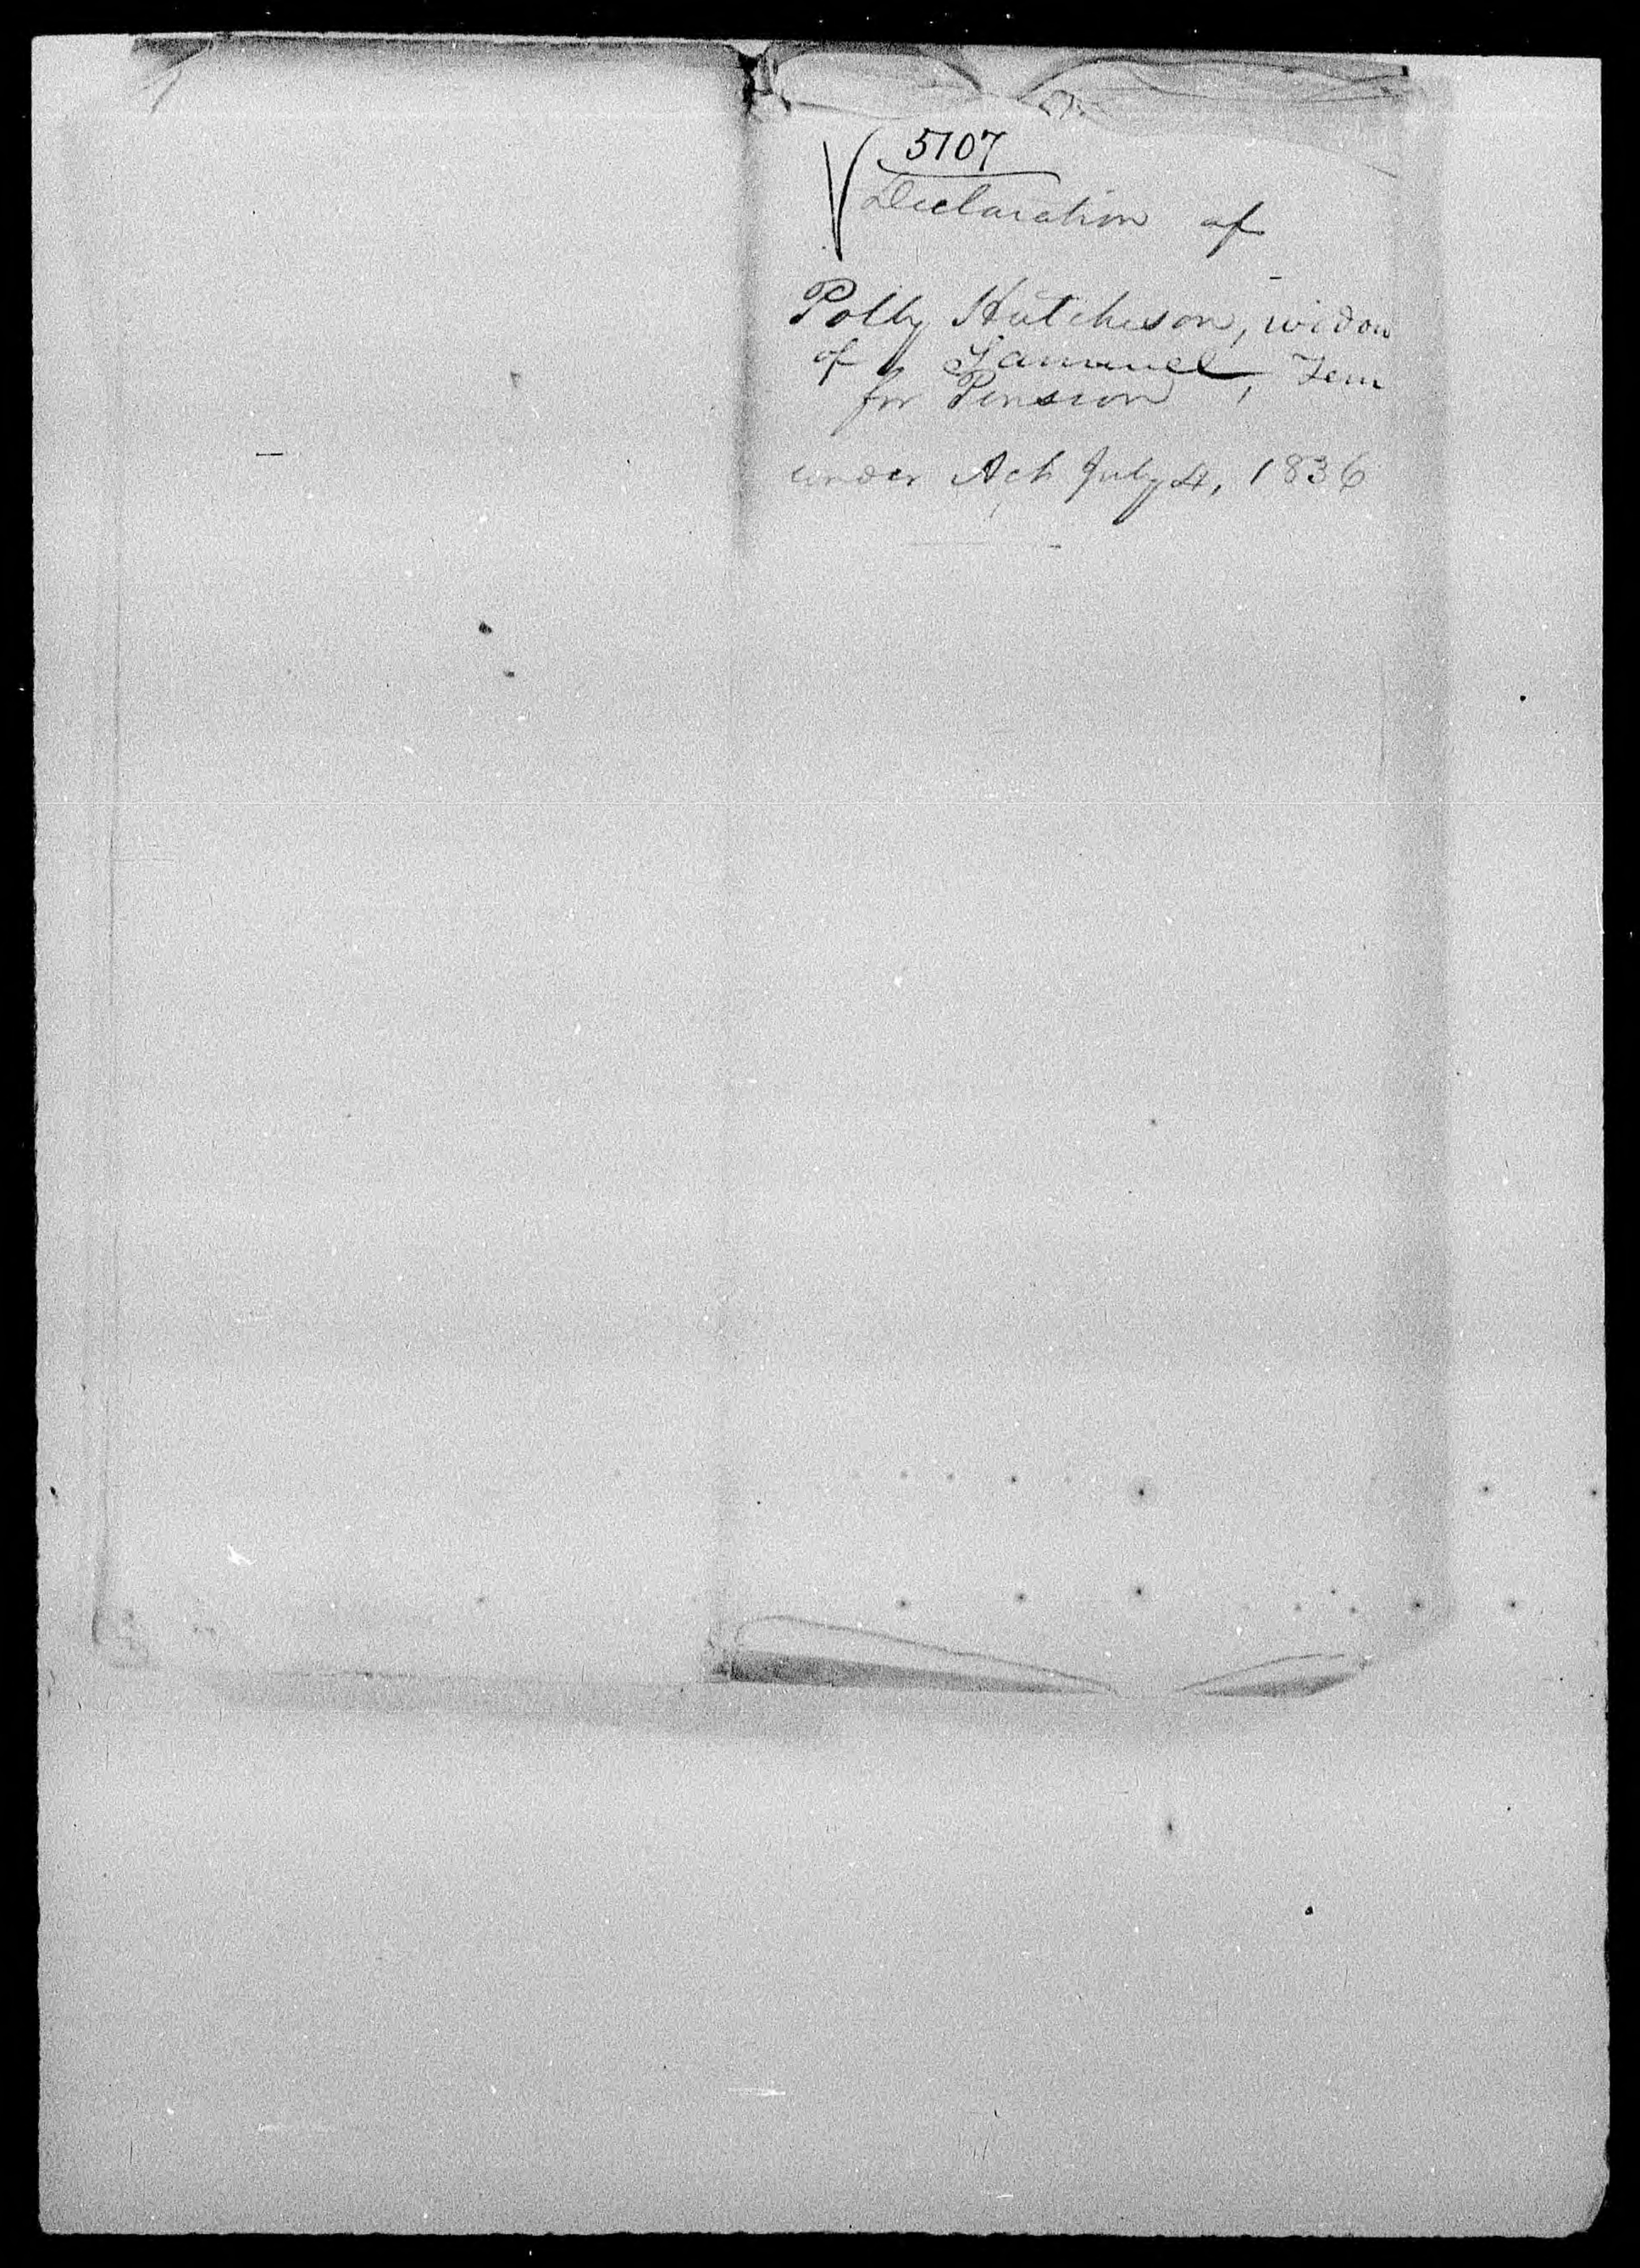5707
Declaration of Polly Hutchison, widow of Samuel, Tenn [Tennessee] for Pension
under Act July 4, 1836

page: 2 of 19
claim: rejected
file: R. 5442, for Samuel Hutchison, Virginia